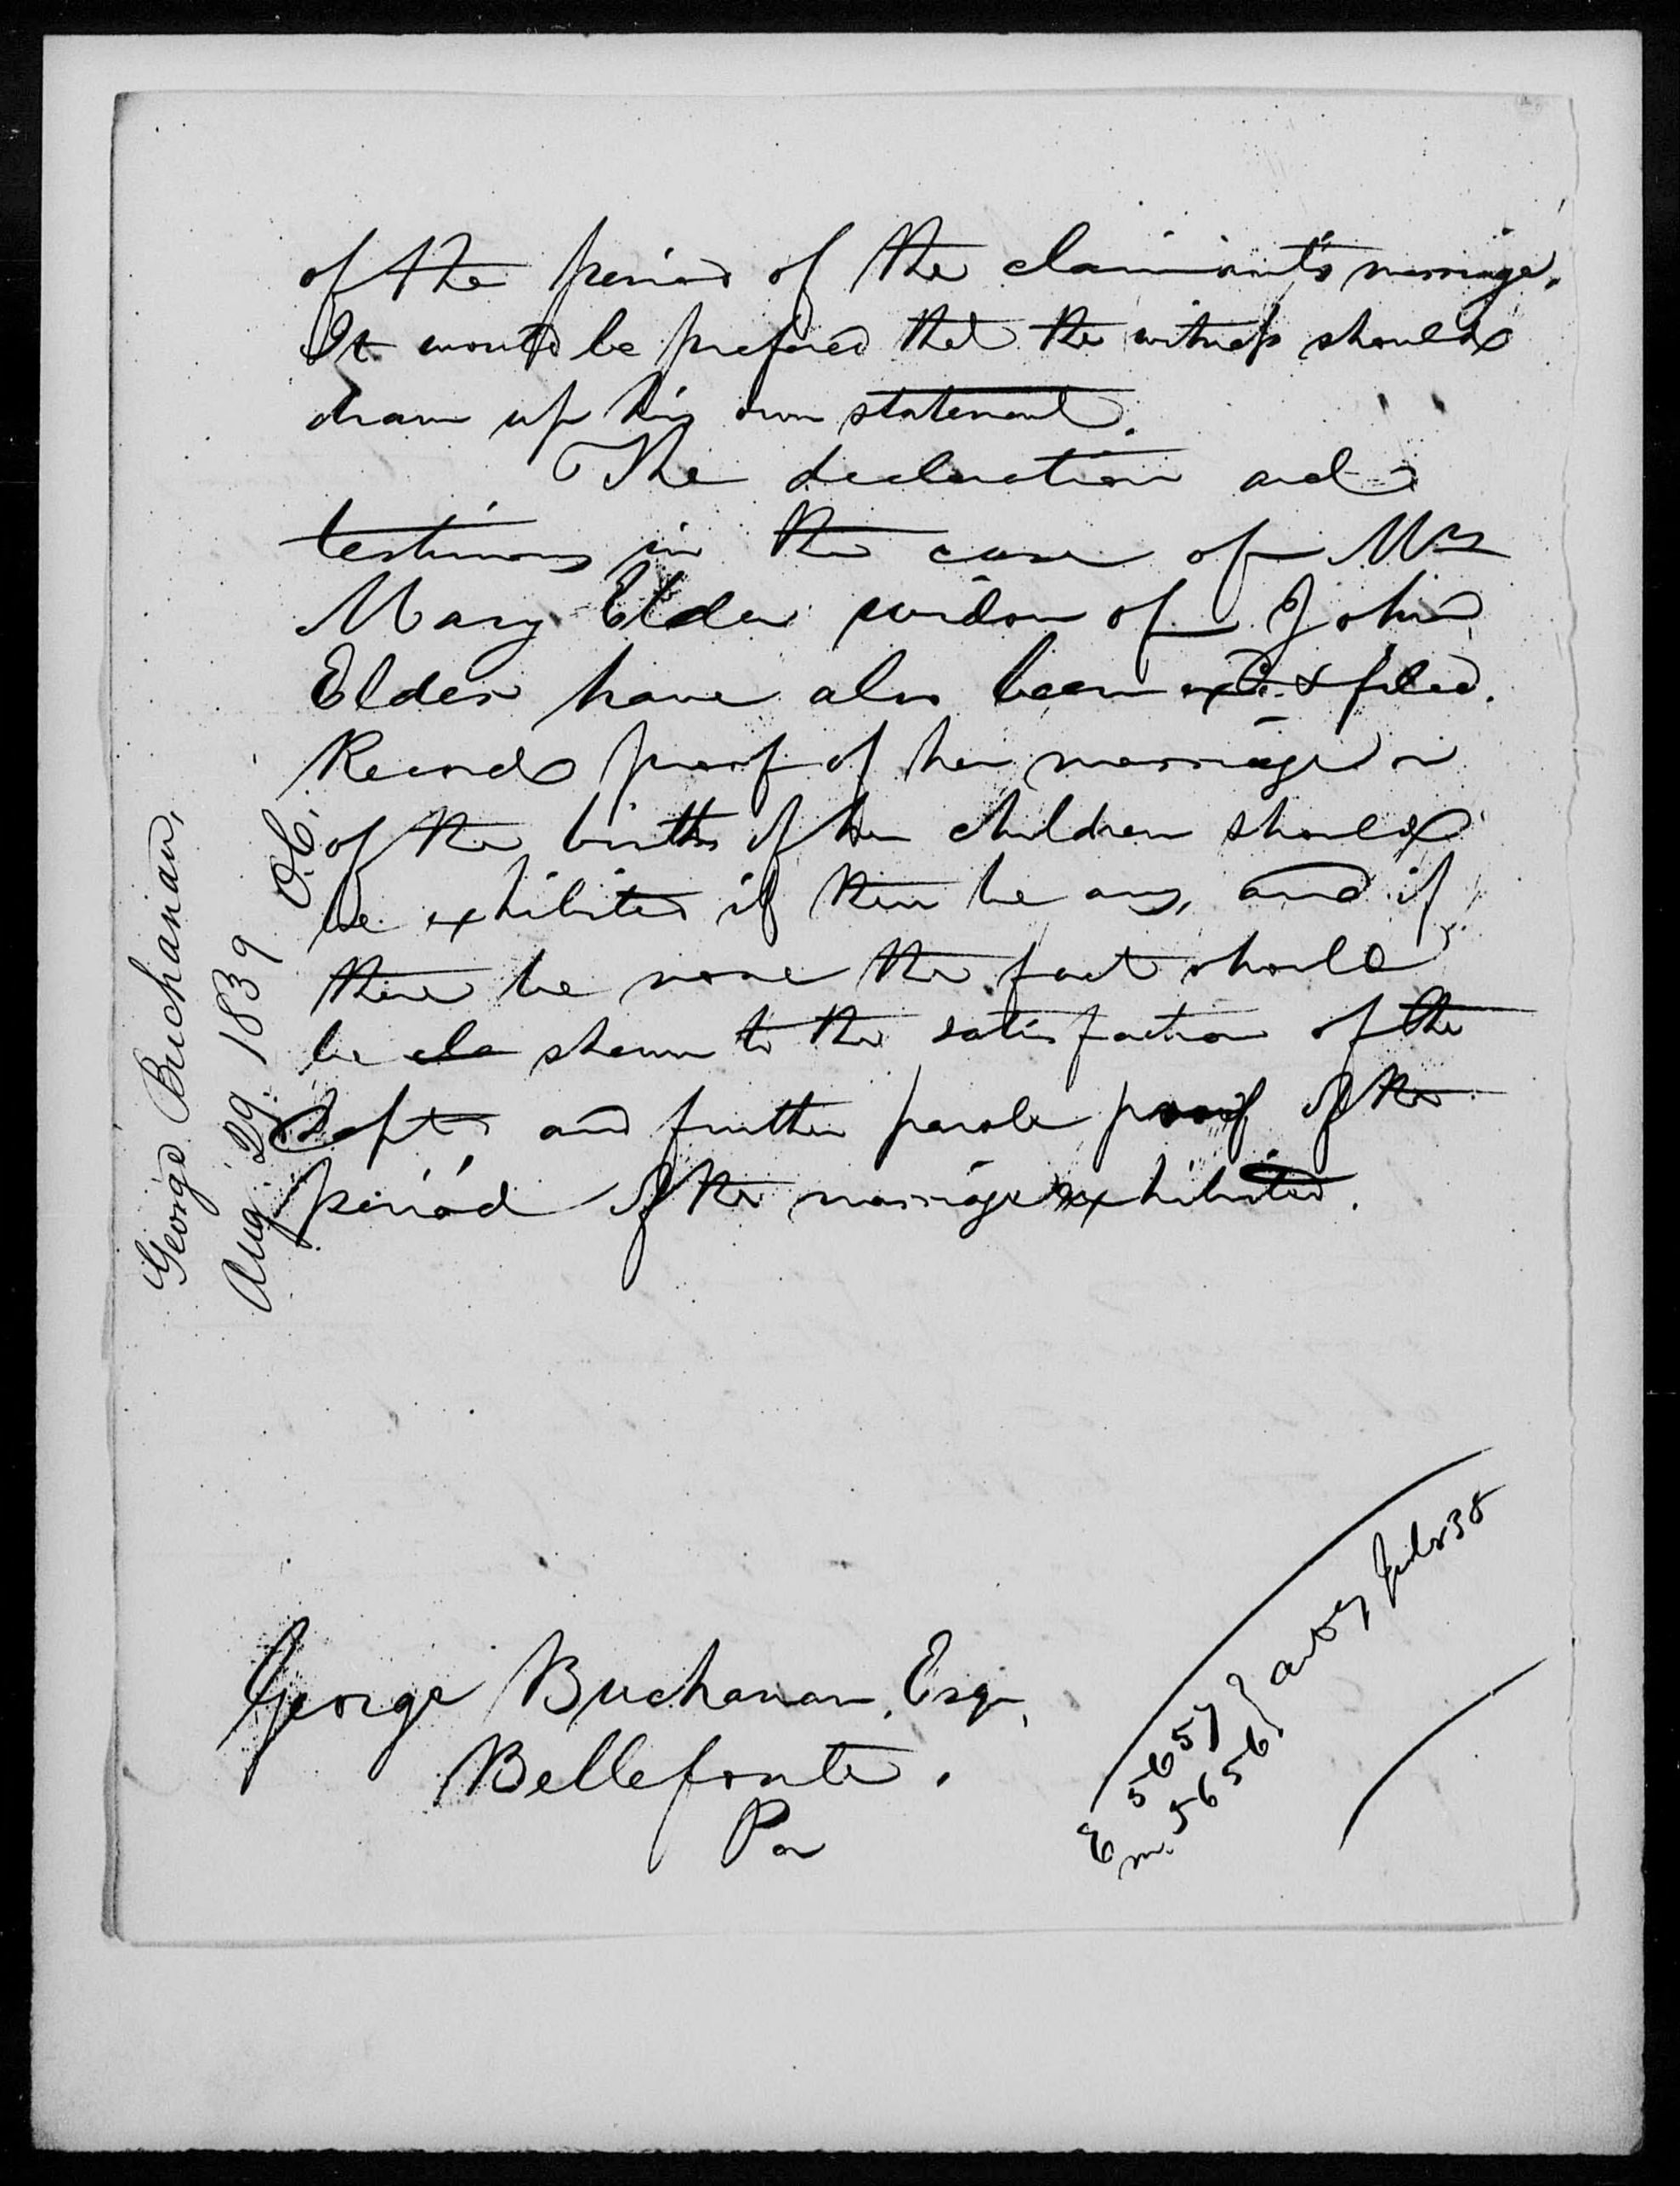of the period of the claimant's marriage
It would be prefered that the witness should
dam up his own statement
The declaration and testimony in
the case of Mrs
Mary Elder Widow of John
Elder have also been & filed
Record proof of her marriage
is of the births of her children
 should
be exhibit if (illegible) be any and if
there be more the fact should
be shown to the satisfaction of the ┃
Capt and further provide proof of the period of the marriage existed

George Buchanan, Esq
Bellefonte, PA
Aug 29 1839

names: George Buchanan, George Buchanan, Mary Elder, John Elder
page: 27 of 80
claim: widow's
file: W. 24117, John Elder, Penn.